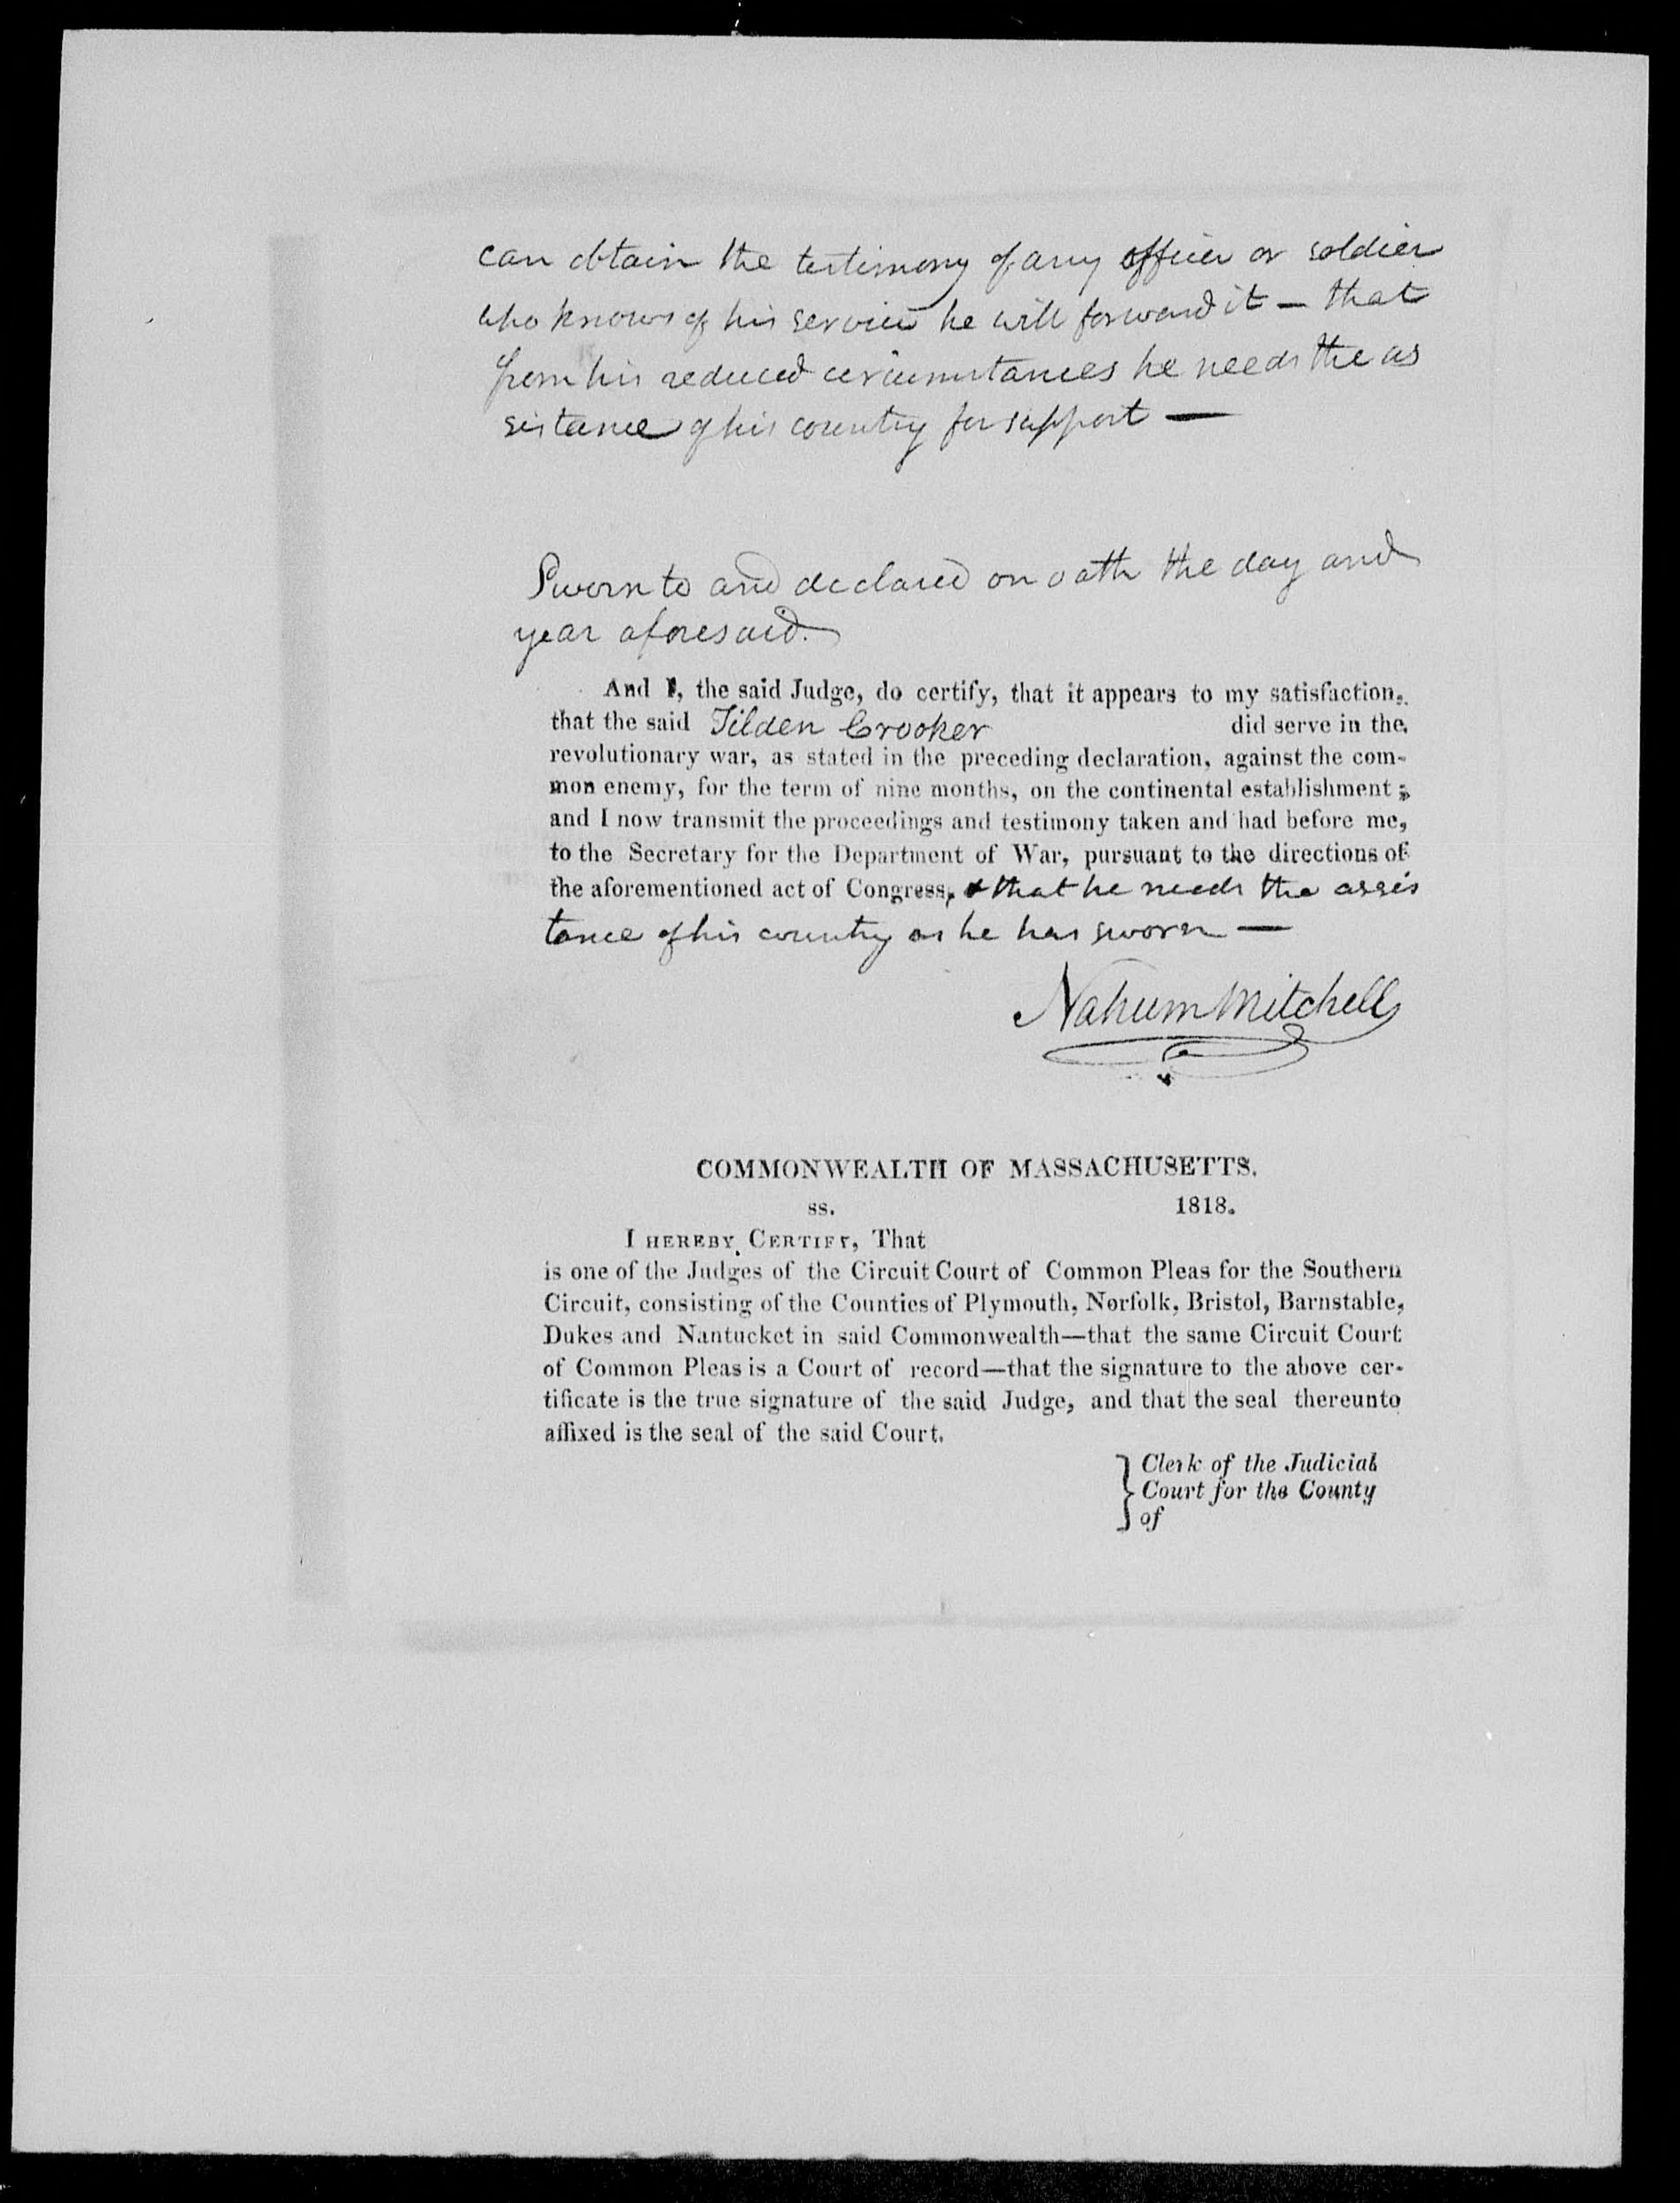can obtain the testimony of any officers or soldiers who knows of his services he will forward it - that from his reduced circumstances he needs the assistance of his country for support.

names: Tilden Crooker, Nahum Mitchell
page: 5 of 33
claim: widow's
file: W. 22862, Tilden Crooker, Mass Navy